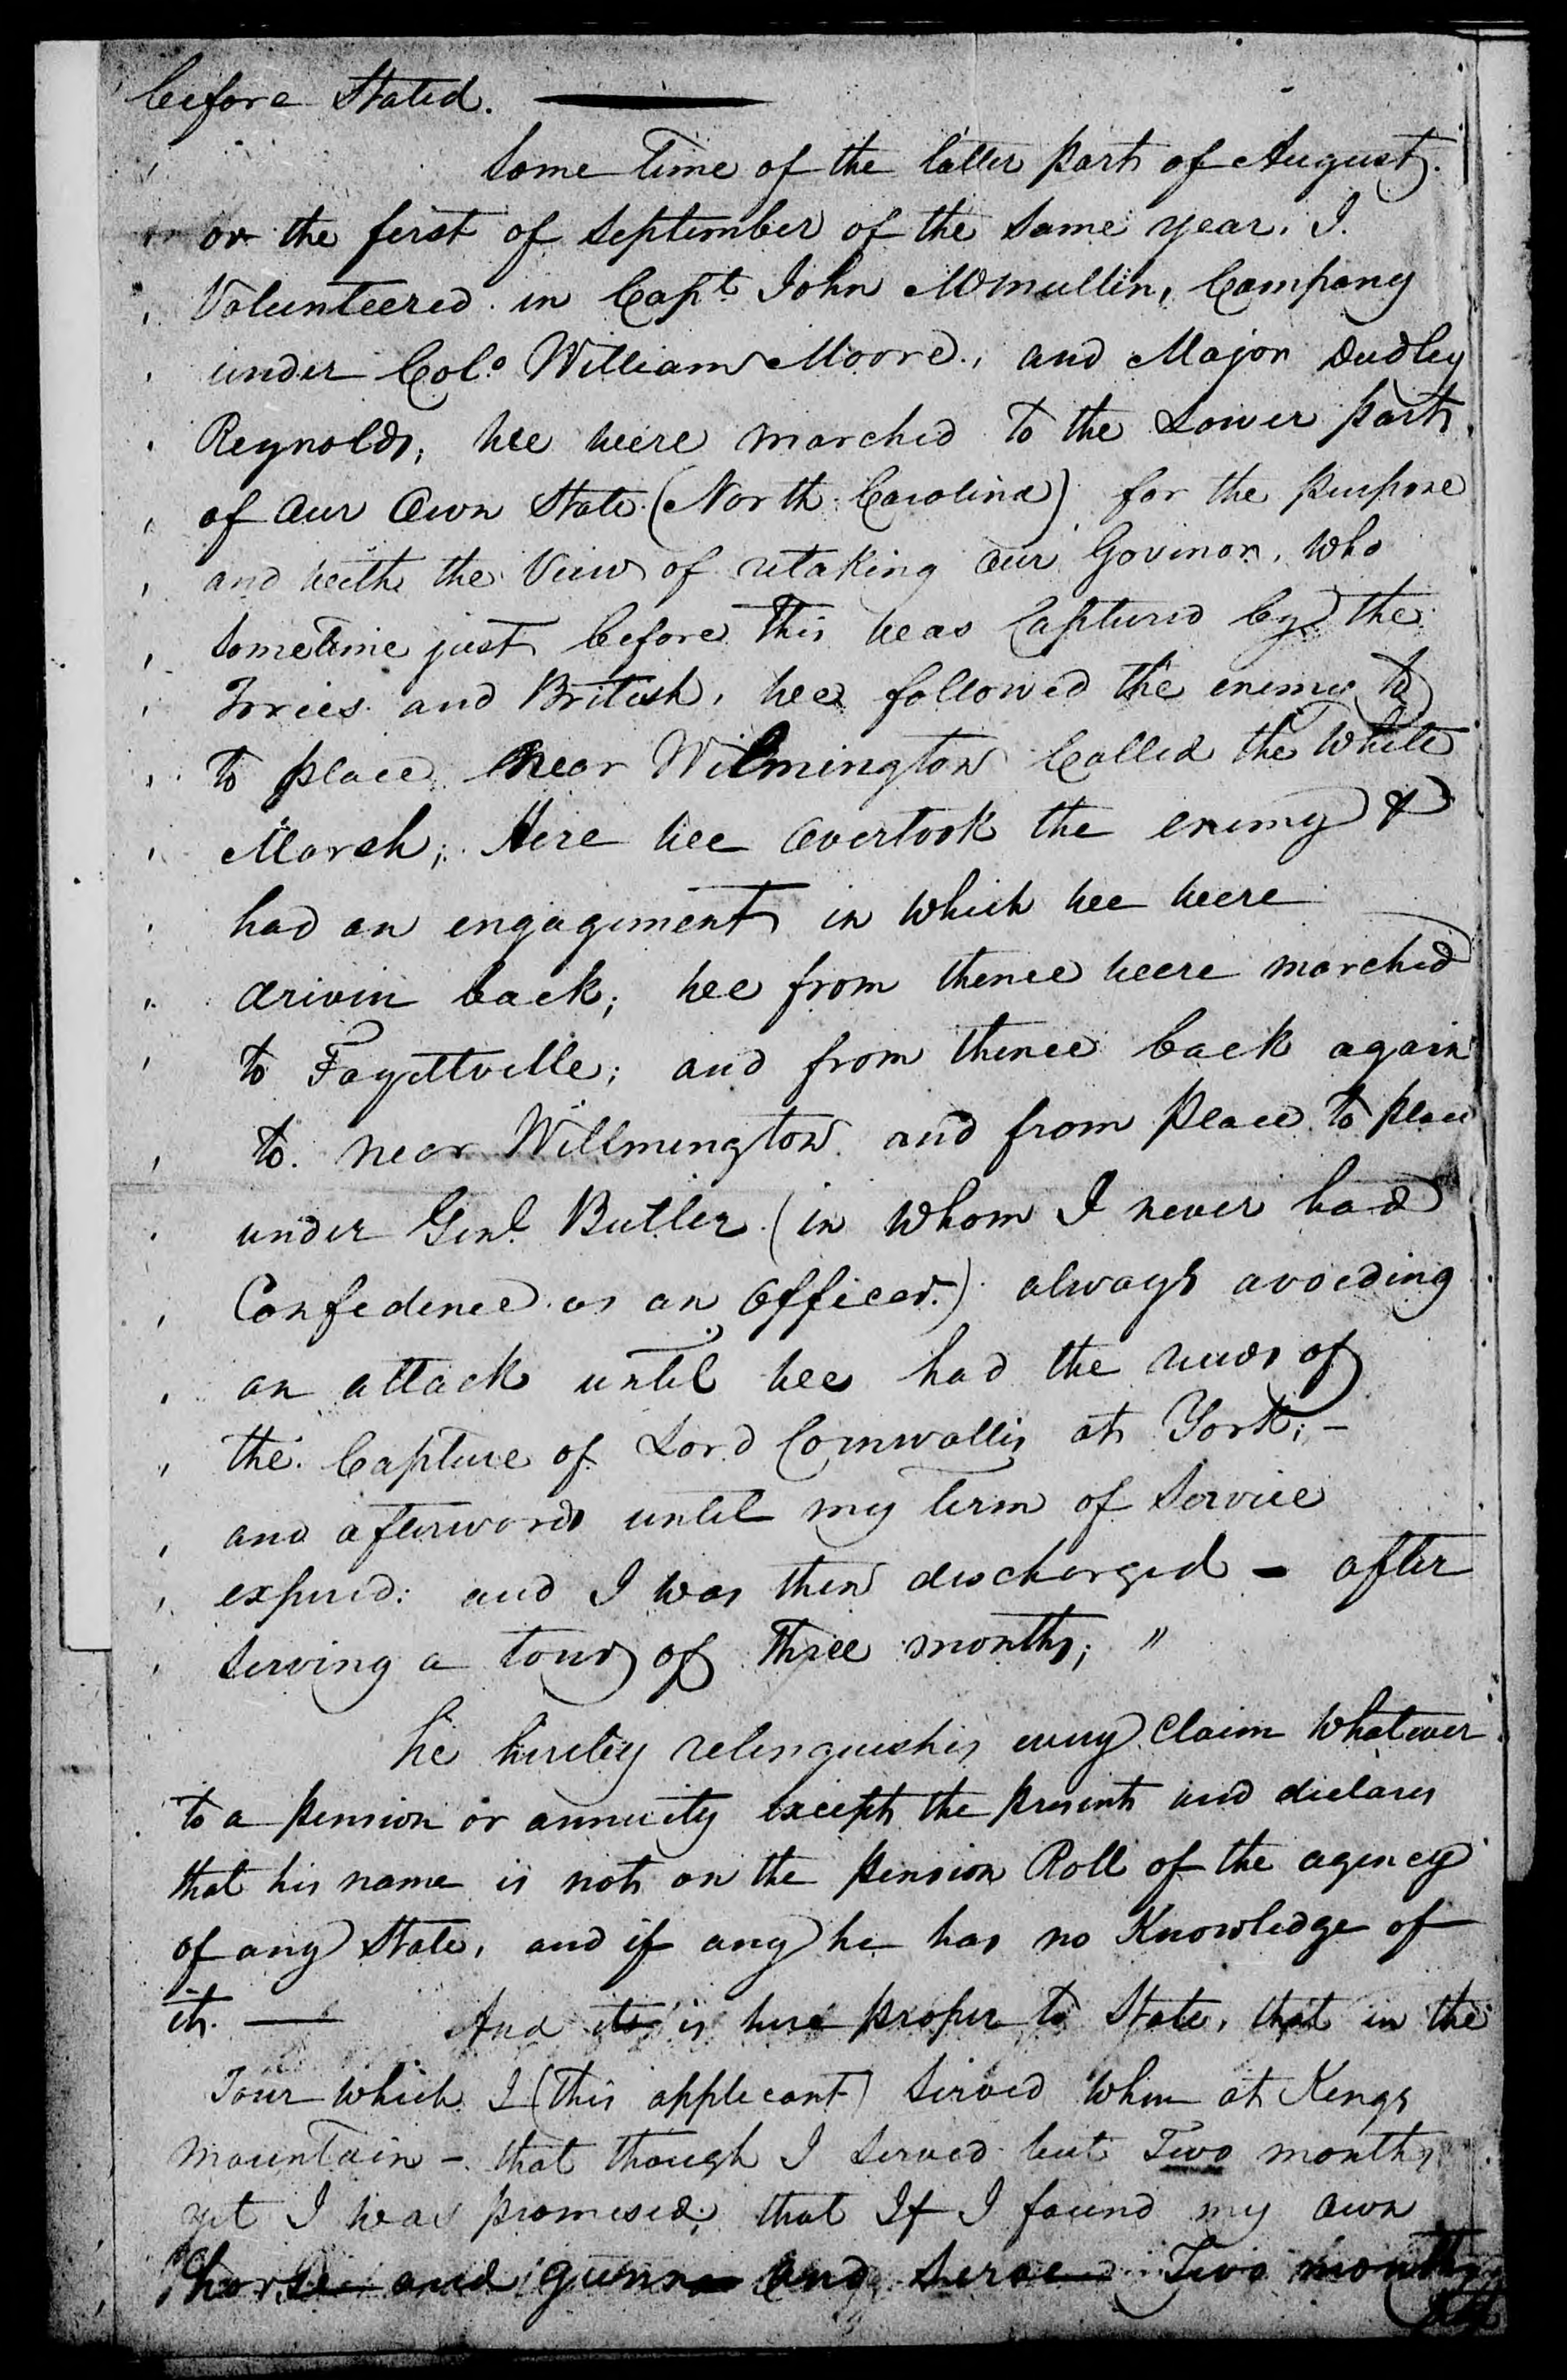before stated.

Some time of the latter part of August or the first of September of the same year I
Volunteered in Capt John McMullin Company
under Colo William Moore, and Major Dudley
Reynolds, we were marched to the lower part of our own State* North Carolina) for the purpose and with the view of retaking our Governor, who sometime just before this was captured by the Tories and British, we followed the enemy, to place near Wilmington called the White Marsh; here we overtook the enemy & had an engagement in which we were driven back; we from thence were marched to Fayetteville; and from thence back again
to near Wilmington, and from place to place
under Genl Butler (in whom I never had
Confidence as an officer) always avoiding
an attack until we had the news of the Capture of Lord Cornwallis at York and afterwards until my term of service expired: and I was then discharged - after serving a tour of three months;

He hereby relinquishes every claim whatever
to a pension or annuity except the presents and declares that his name is not on the pension Roll of the agency of any State, and if any he has no knowledge of it - And it is here proper to state that in the Tour which I (this applicant) served when at Kings Mountain-- that though I served but two month yet I was promised, that If I found my own horse and go and serve two months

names: Dudley Reynolds, Butler, William Moore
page: 8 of 29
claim: survivor's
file: S. 6830, Elisha Evans, N.C.